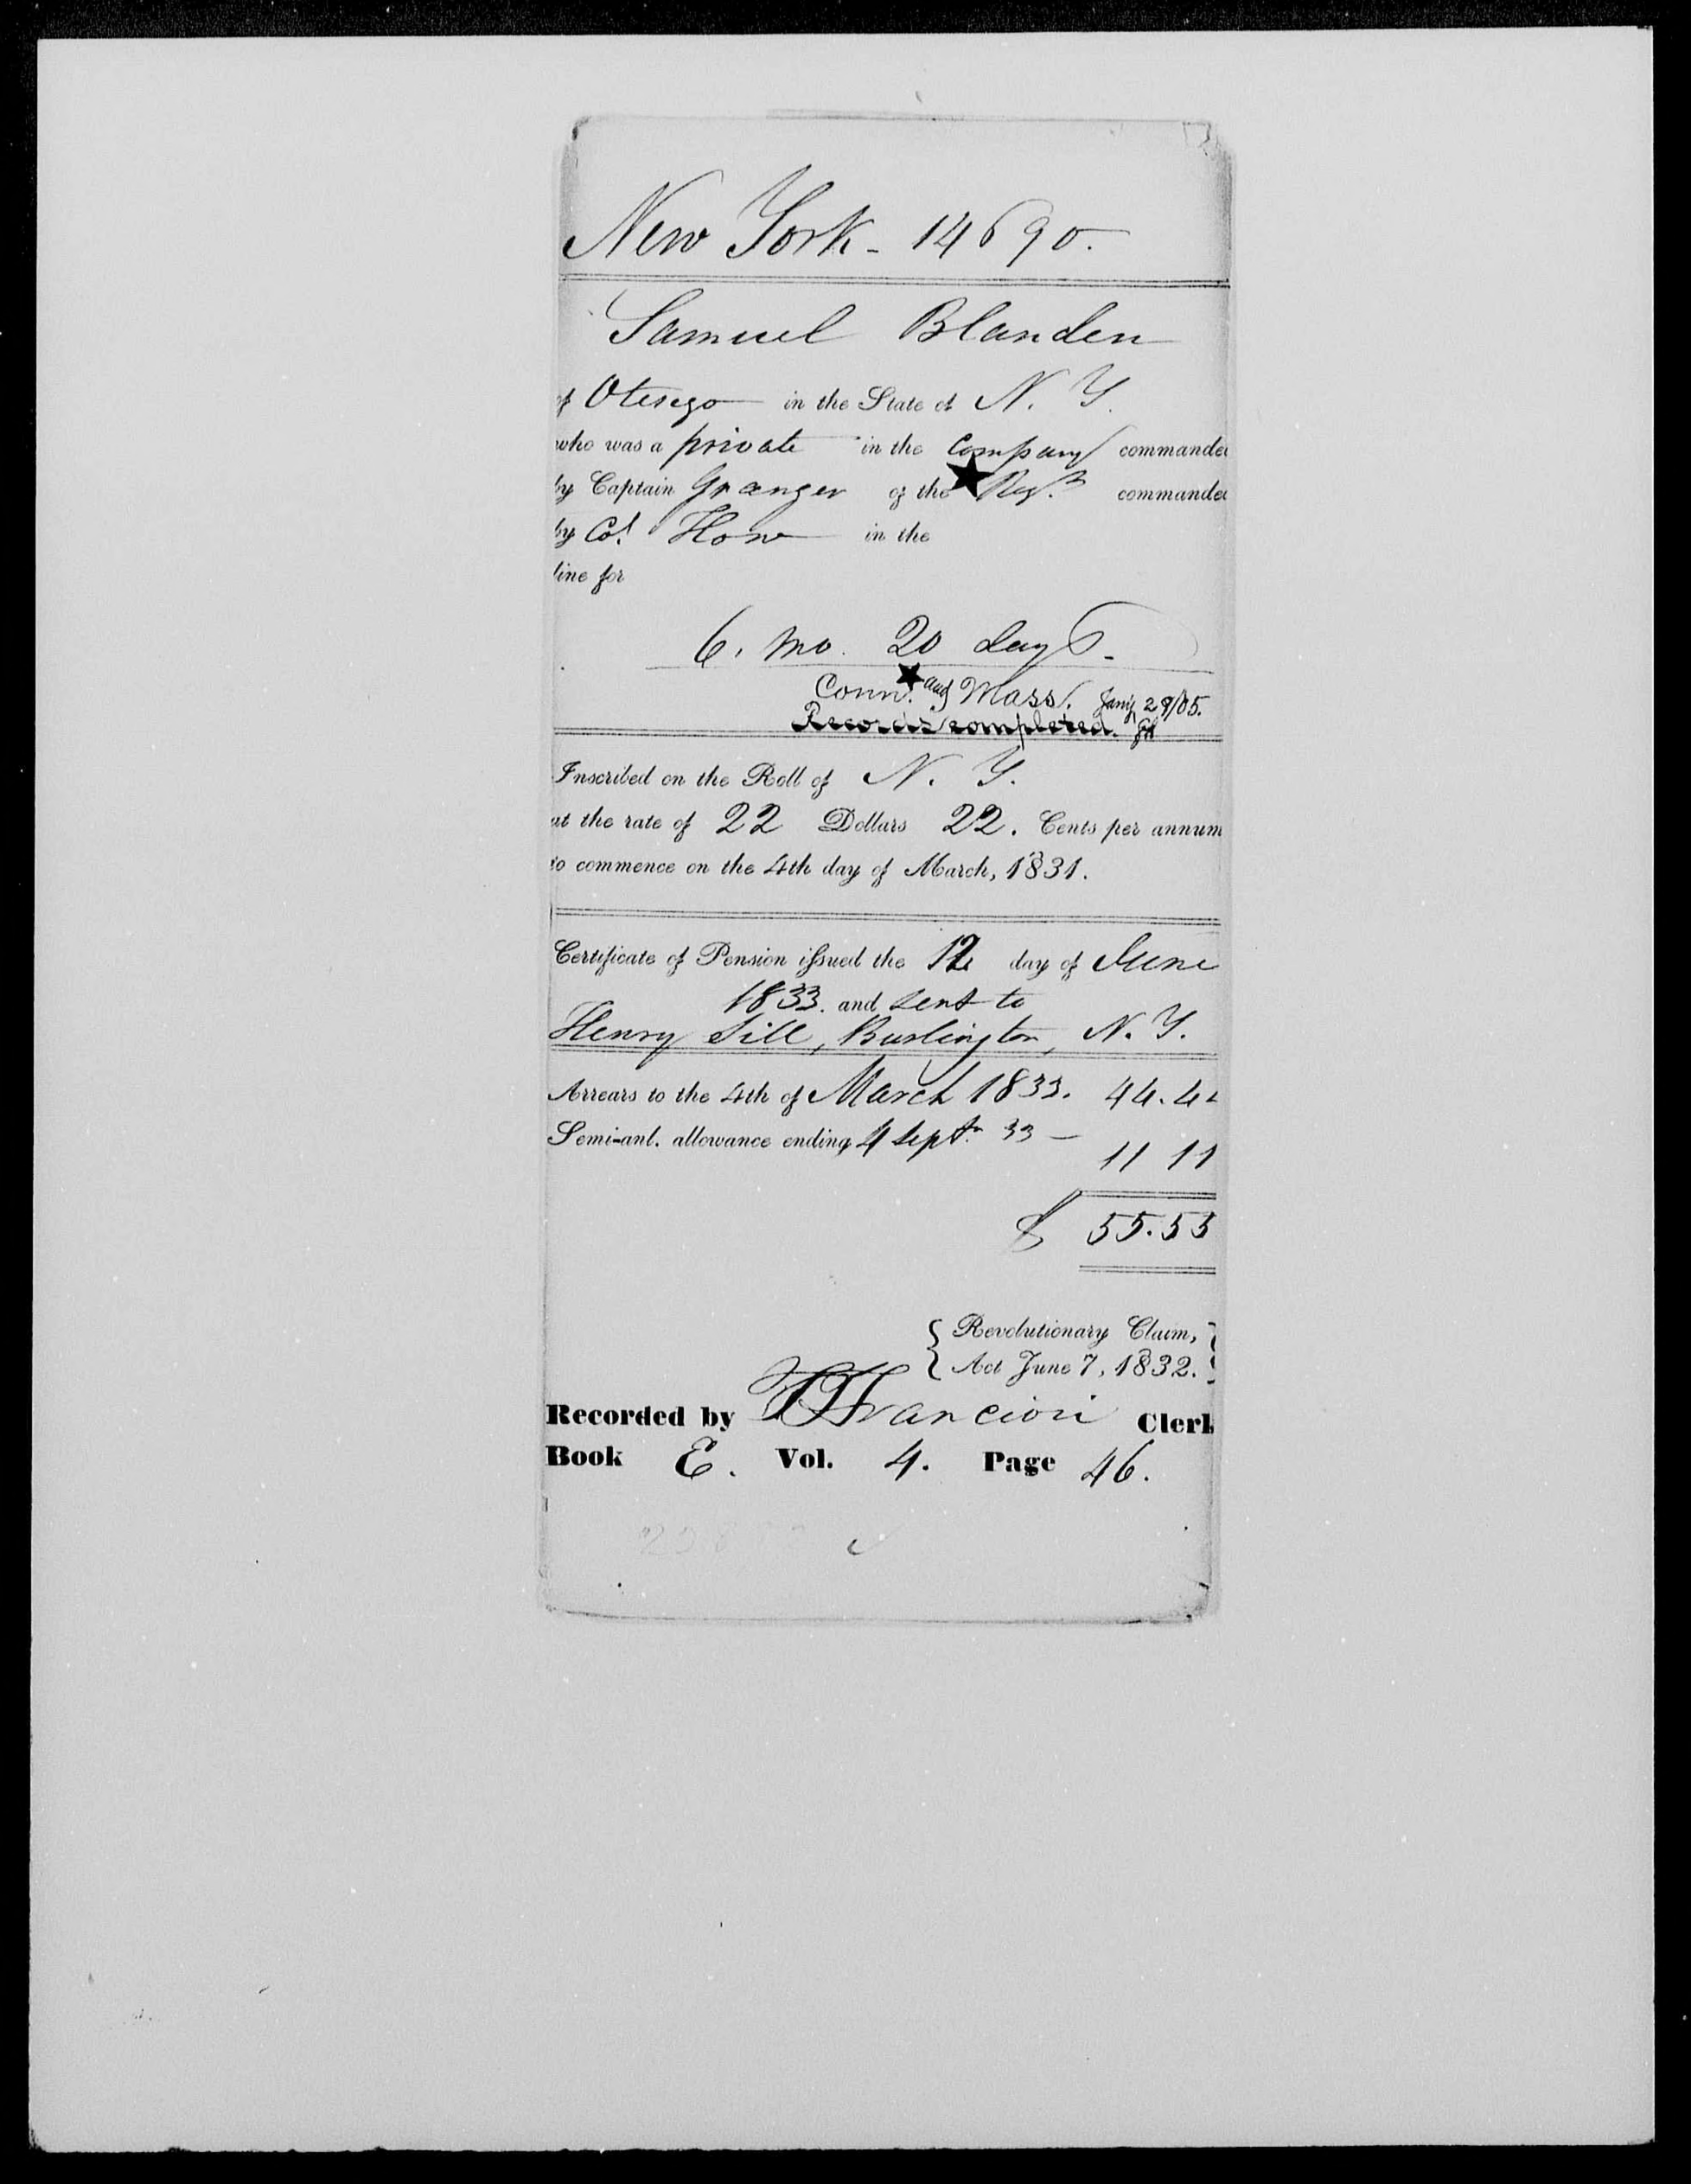New York  14690
Samuel Blander
of Otsego in the State of N.Y.
who was a private in the company commanded
by Captain Granger of the Regt commanded
by Col. How in the
line for 6 mos 20 days
Conn. and Mass. Jany 29/05

Inscribed on the Roll of N.Y.
at the rate of 22 Dollars 22 Cents per annum
to commence on the 4th day of March, 1831.

Certificate of Pension issued the 12 day of June
1833 and sent to
Henry Sill, Burlington, N.Y.

Arrears to the 4th of March 1833.   44.44
Semi-anl. allowance ending 4 Sept 33.  11.11
                                              -------------------
                                                      $55.55
{Revolutionary Claim, Act June 7, 1832}
Recorded by T. Francion Clerk
Book E  Vol. 4  Page 46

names: T Francion, Granger, Samuel Blanden, Henry Sill, How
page: 2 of 14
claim: survivor's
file: S. 10389, Samuel Blanden, Conn. Mass